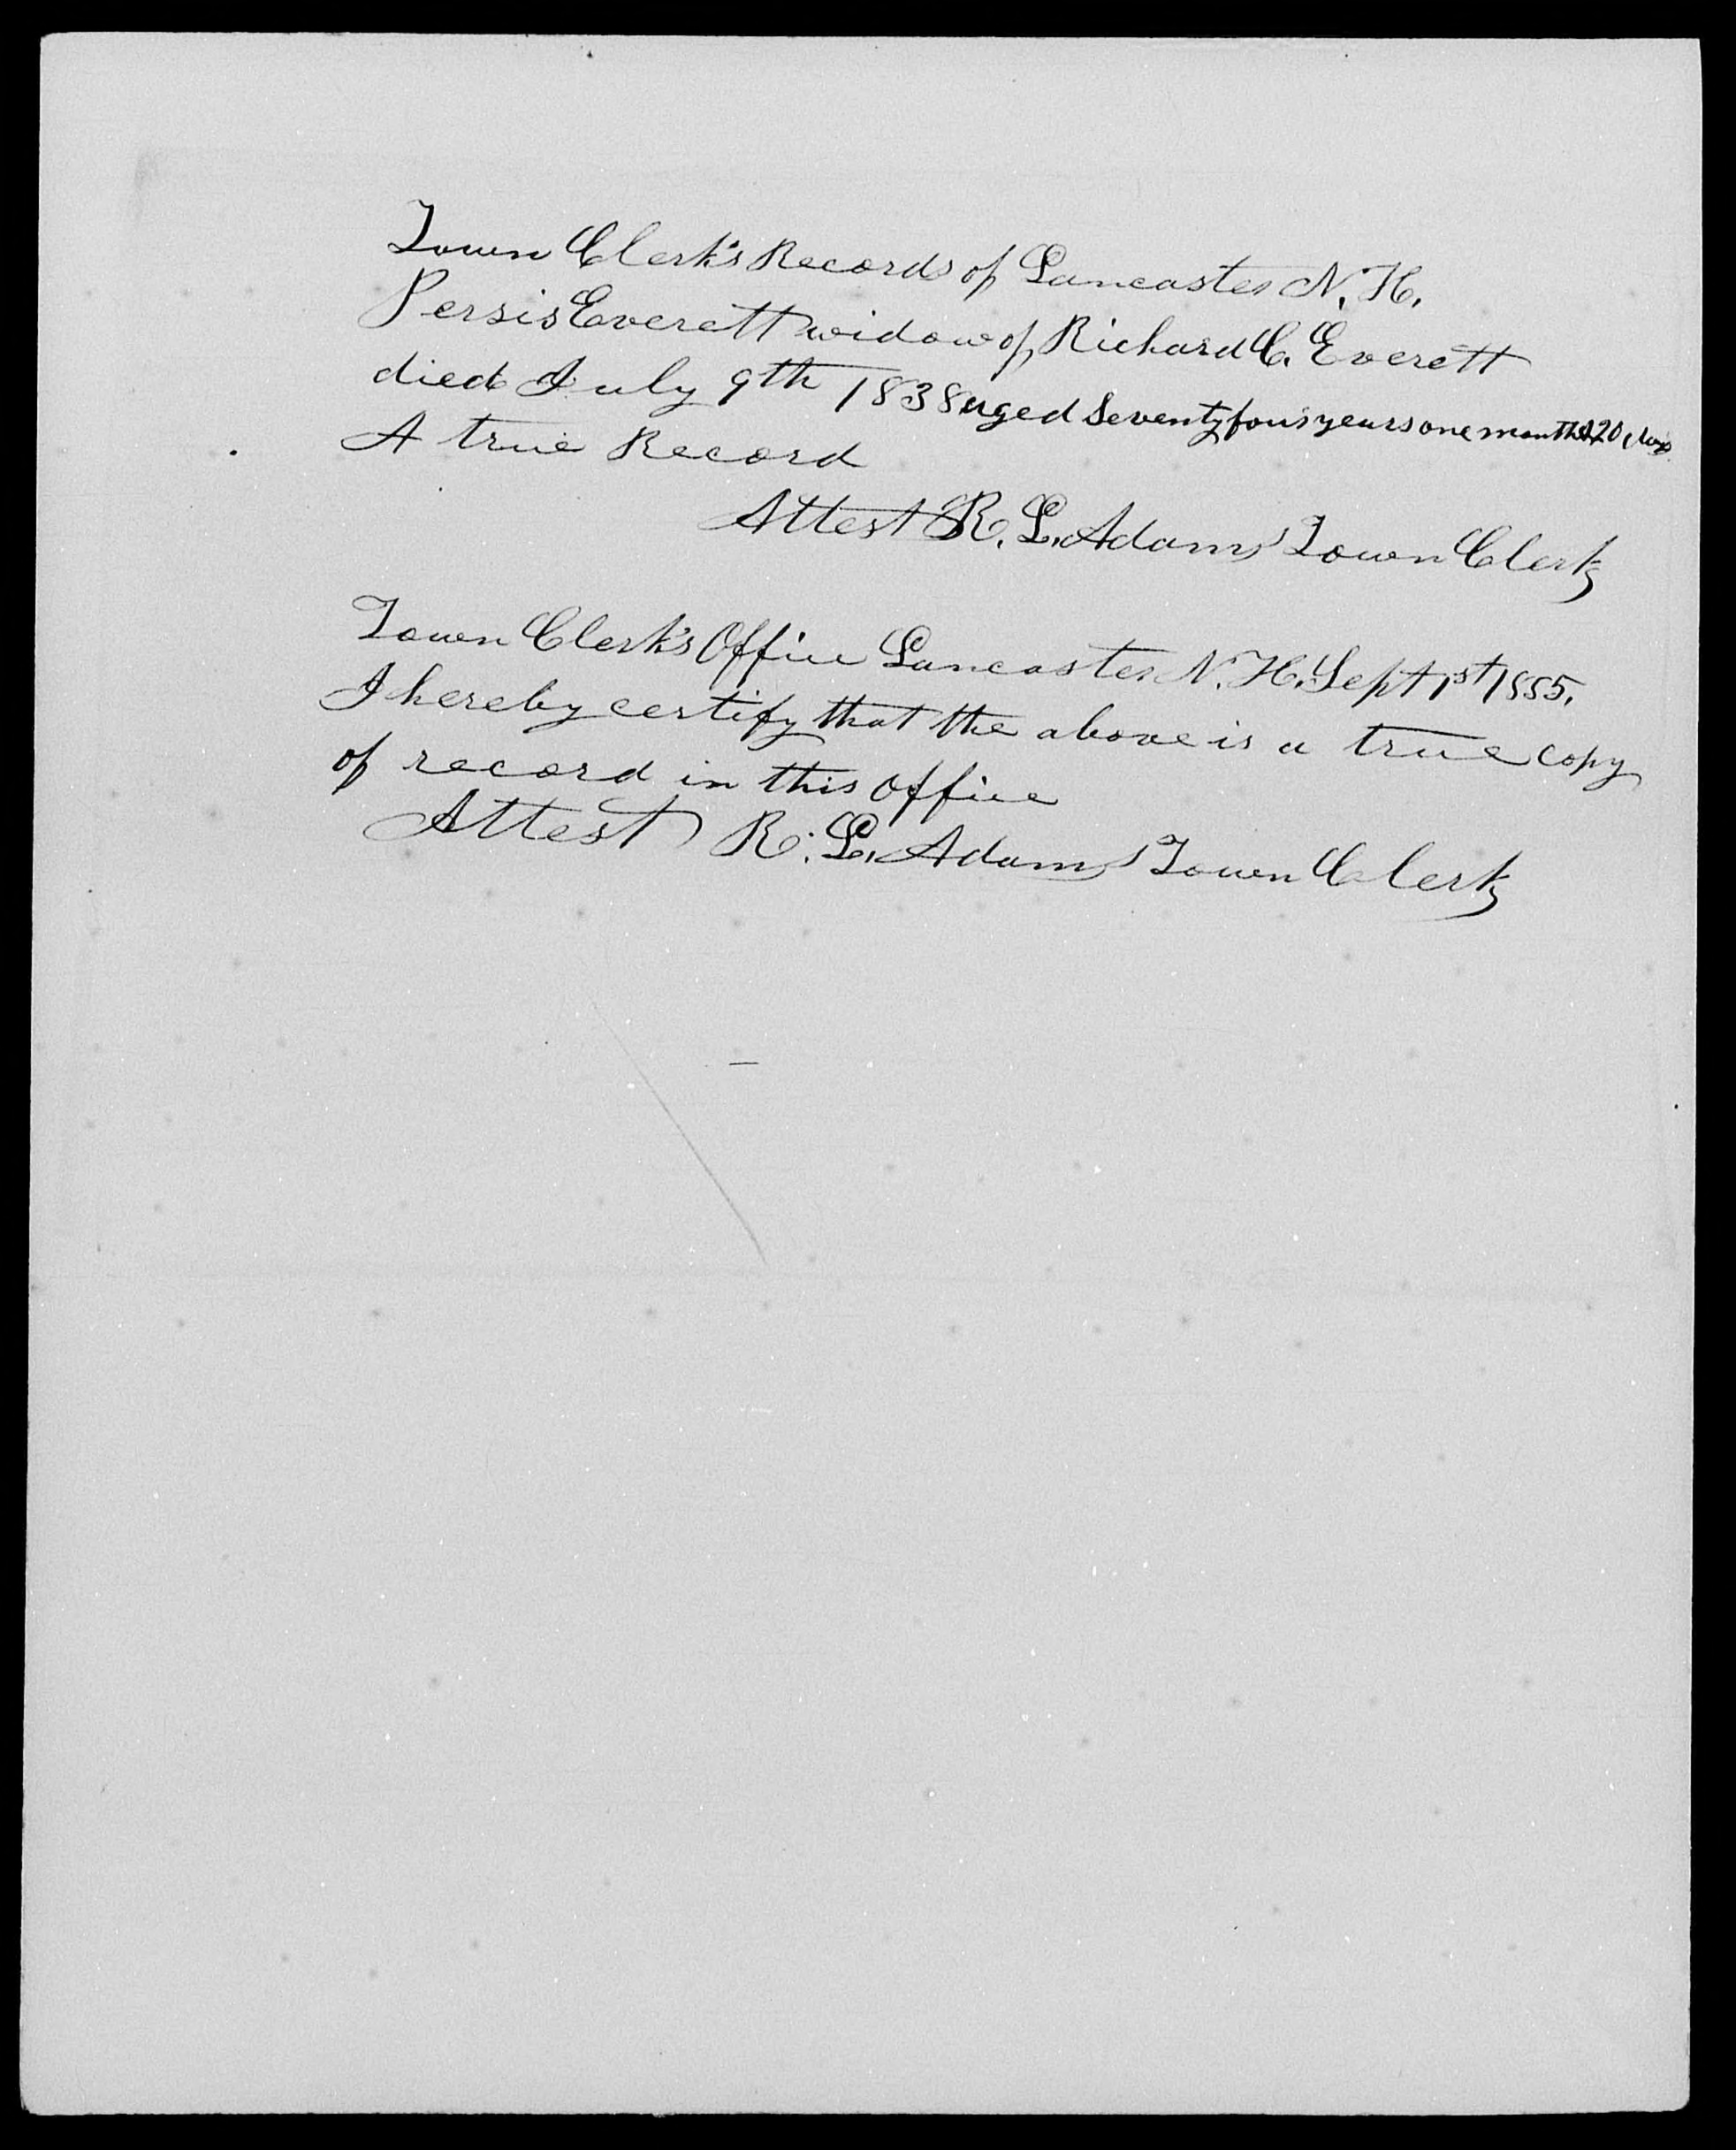Town Clerk's Record of Lancaster N.H.
Persis Everett widow of Richard C. Everett
died July 9th 1838 aged Seventy four years one months 20 days.
A true Record
Attest R. L. Adams Town Clerk

Town Clerk's Office Lancaster N.H. Sept 1st 1855.
I hereby certify that the above is a true copy
of record in this Office
Attest R.L. Adams Town Clerk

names: R L Adams, R L Adams, Persis Everett, Richard C Everett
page: 41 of 59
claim: widow's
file: W. 23017, Richard Clair Everett, Mass.